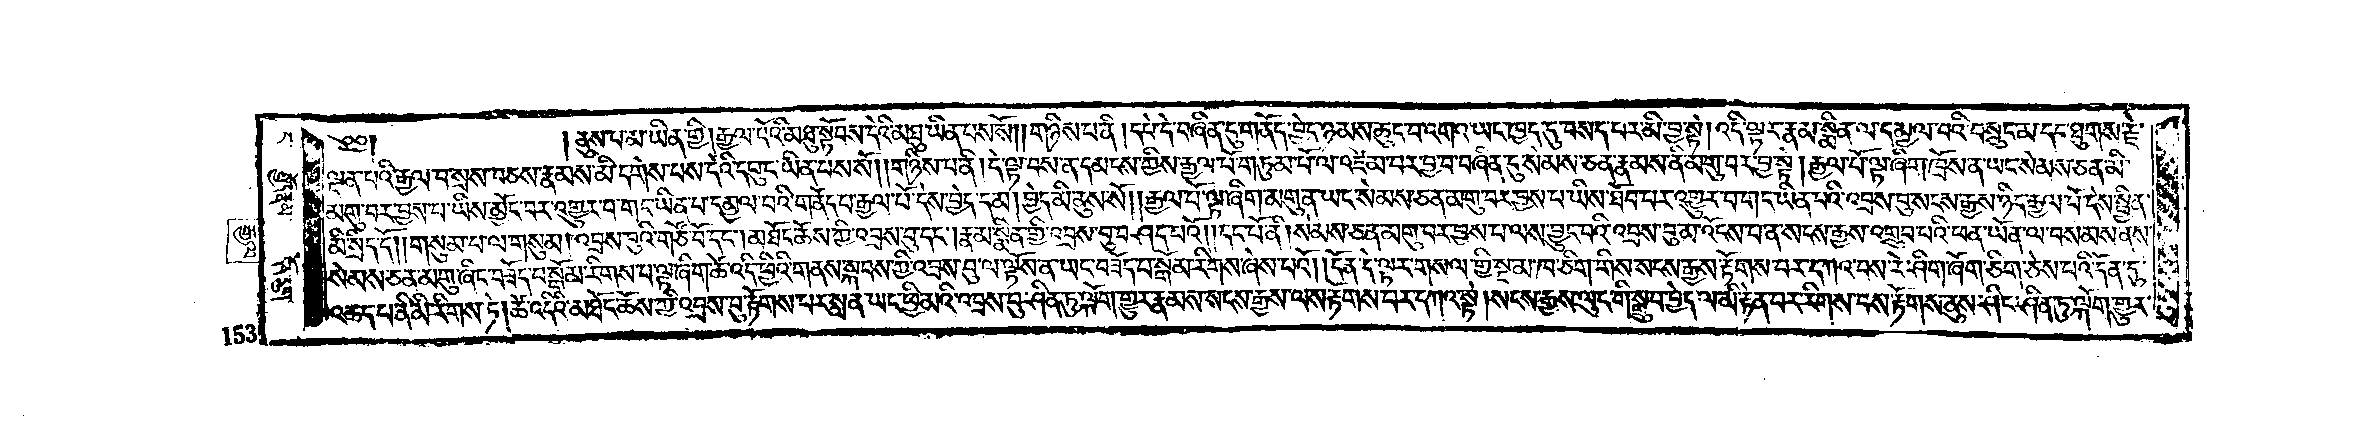༄༅། །ནུས་པ་མ་ཡིན་གྱི་།རྒྱལ་པོའི་མཐུ་སྟོབས་དེའི་མཐུ་ཡིན་པས་སོ། །གཉིས་པ་ནི། དཔེ་དེ་བཞིན་དུ་གནོད་བྱེད་ཉམས་ཆུང་བ་འགའ་ཡང་ཁྱད་དུ་བསད་པར་མི་བྱ་སྟེ། འདི་ལྟར་རྣམ་སྨིན་ལ་དམྱལ་བའི་བསྲུང་མ་དང་ཐུགས་རྗེ་
ལྡན་པའི་རྒྱལ་བ་སྲས་བཅས་རྣམས་མི་དགེས་པས་དེའི་དཔུང་ཡིན་པས་སོ། །གཉིས་པ་ནི། དེ་ལྟ་བས་ན་དམངས་ཀྱིས་རྒྱལ་པོ་གཏུམ་པོ་ལ་འཛེམ་པར་བྱ་བ་བཞིན་དུ་སེམས་ཅན་རྣམས་ནི་མགུ་བར་བྱ་སྟེ། རྒྱལ་པོ་ལྟ་ཞིག་ཁྲོས་ན་ཡང་སེམས་ཅན་མི་
མགུ་བར་བྱས་པ་ཡིས་མྱོང་བར་འགྱུར་བ་གང་ཡིན་པ་དམྱལ་བའི་གནོད་པ་རྒྱལ་པོ་དེས་བྱེད་དམ། བྱེད་མི་ནུས་སོ། །རྒྱལ་པོ་ལྟ་ཞིག་མགུ་ན་ཡང་སེམས་ཅན་མགུ་བར་བྱས་པ་ཡིས་ཐོབ་པར་འགྱུར་བ་གང་ཡིན་པའི་འབྲས་བུ་སངས་རྒྱས་ཉིད་རྒྱལ་པོ་དེས་སྦྱིན་
མི་སྲིད་དོ། །གསུམ་པ་ལ་གསུམ། འབྲས་བུའི་གཙོ་བོ་དང་། མཐོང་ཆོས་ཀྱི་འབྲས་བུ་དང་། རྣམ་སྨིན་གྱི་འབྲས་བུ་བཤད་པའོ། །དང་པོ་ནི། སེམས་ཅན་མགུ་བར་བྱས་པ་ལས་བྱུང་བའི་འབྲས་བུ་མ་འོངས་པ་ན་སངས་རྒྱས་འགྲུབ་པའི་ཕན་ཡོན་ལ་བསམས་ནས་
སེམས་ཅན་མགུ་ཞིང་བཟོད་པ་སྒོམ་རིགས་པ་ལྟ་ཞིག་ཚེ་འདི་ཕྱིའི་གནས་སྐབས་ཀྱི་འབྲས་བུ་ལ་ལྟོས་ན་ཡང་བཟོད་པ་སྒོམ་རིགས་ཞེས་པའོ། །དོན་དེ་ལྟར་གསལ་གྱི་སྔ་མ་ཁ་ཅིག་གིས་སངས་རྒྱས་རྟོགས་པར་དཀའ་བས་རེ་ཤིག་ཞོག་ཅིག་ཅེས་པའི་དོན་ཏུ་
འཆད་པ་ནི་མི་རིགས་ཏེ། ཚེ་འདིའི་མཐོང་ཆོས་ཀྱི་འབྲས་བུ་རྟོགས་པར་སླན་ཡང་ཕྱི་མའི་འབྲས་བུ་ཤིན་ཏུ་ལྐོག་གྱུར་རྣམས་སངས་རྒྱས་ལས་རྟོགས་པར་དཀའ་སྟེ། སངས་རྒྱས་ལུང་གི་སྒྲུབ་བྱེད་ལ་མི་རྟེན་པར་རིགས་པས་རྟོགས་ནུས་ཤིང་ཤིན་ཏུ་ལྐོག་གྱུར་